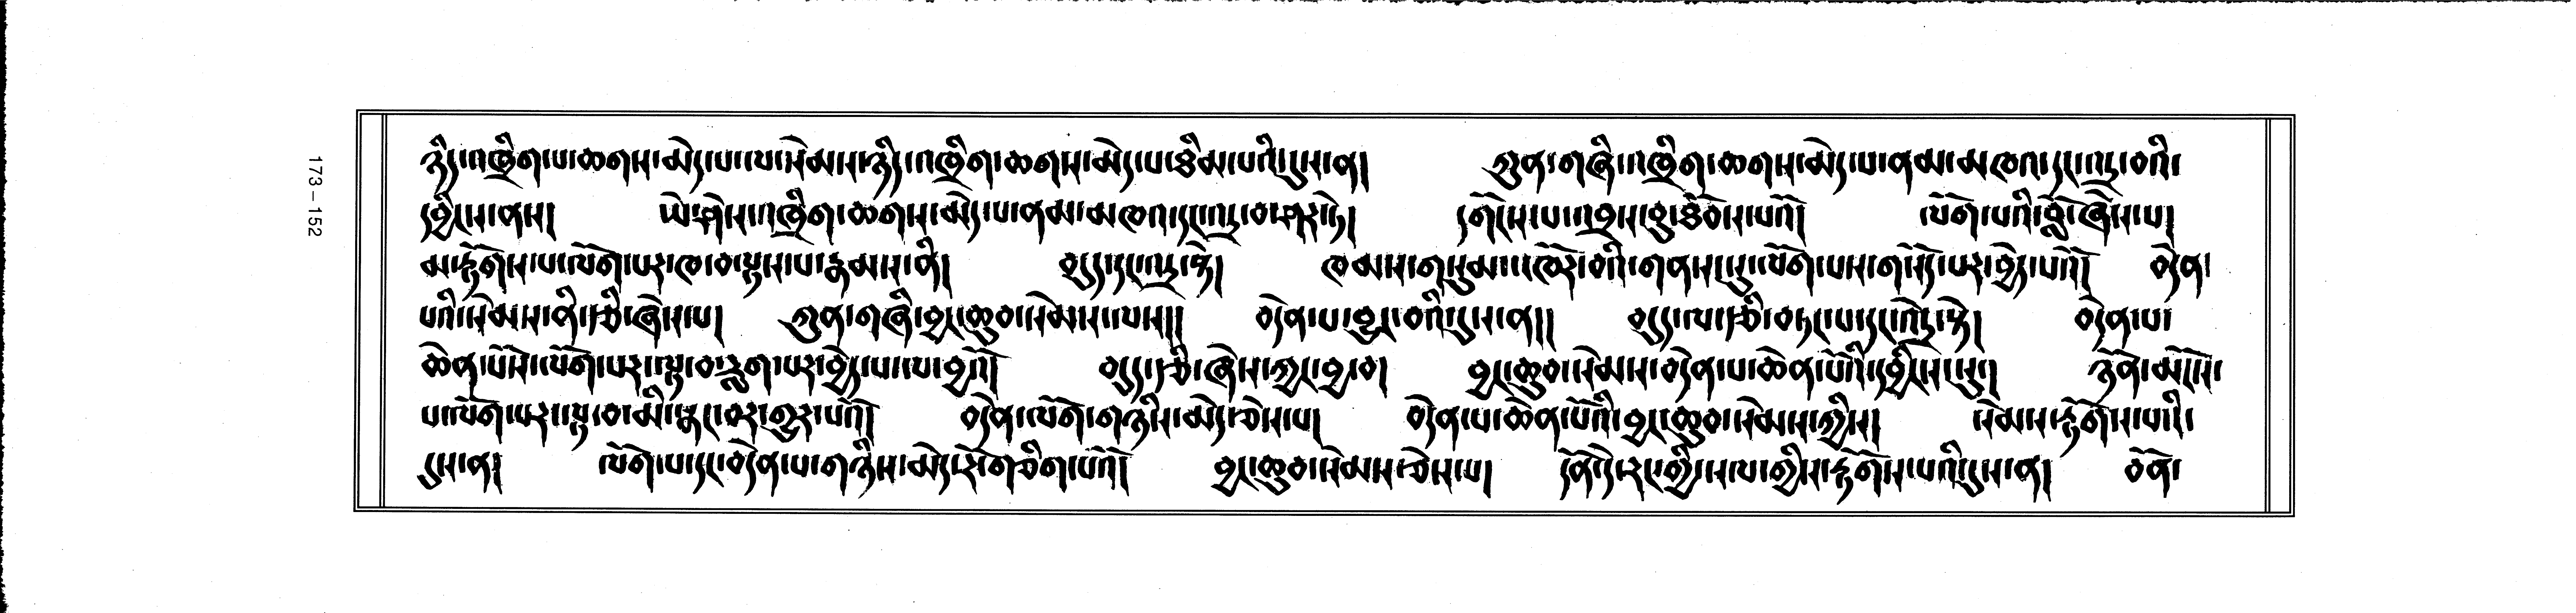ཉིད་འཁྲིག་ཆགས་མེད་པ་ལ་སེམས་ཉིད་འཁྲིག་ཆགས་མེད་པ་ཐིམ་པའི་དུས་ན། ཀུན་གཞི་འཁྲིག་ཆགས་མེད་པ་ནམ་མཁའ་དང་འདྲ་བའི་
དབྱིངས་ན། ཡེ་ཤེས་འཁྲིག་ཆགས་མེད་པ་ནམ་མཁའདང་འདྲ་བ་ཤར་ཏེ། དགོངས་པ་འབྲས་བུ་ཐོབ་པའོ། །ལོག་པའི་བློ་ཞེས་པ། 
མ་རྟོགས་པ་ལོག་པར་ཁ་བལྟས་པ་རྣམས་ནི། བདུད་དང་འདྲ་སྟེ། ཁམས་གསུམ་འཁོར་བའི་གནས་སུ་ལོག་པས་གསོད་པར་བྱེད་པའོ། །བདེན་
པའི་སེམས་ནི་རྩི་ཞེས་པ། ཀུན་གཞི་བྱང་ཆུབ་ཀྱི་སེམས་ལས། བདེན་པ་བྱུང་བའི་དུས་ན། བདུད་ལ་རྩི་བཏང་བ་དང་འདྲ་སྟེ། བདེན་པ་
ཆེན་པོས་ལོག་པར་བལྟ་བ་བརླག་པར་བྱེད་པ་ལ་བྱའོ། །བདུད་རྩི་ཞེས་ཀྱང་བྱ་བ། བྱང་ཆུབ་ཀྱི་སེམས་བདེན་པ་ཆེན་པོའི་དབྱིངས་སུ། ཉོན་མོངས་
པ་ལོག་པར་ལྟ་བ་མི་སྣང་པར་གྱུར་པ་ལ་བྱའོ། །བདེན་ལོག་གཉིས་མེད་ཅེས་པ། བདེན་པ་ཆེན་པོའི་བྱང་ཆུབ་ཀྱི་སེམས་ཀྱིས། སེམས་རྟོགས་པའི་
དུས་ན། ལོག་པ་དང་བདེན་པ་གཉིས་རོ་གཅིག་པའོ། །བྱང་ཆུབ་ཀྱི་སེམས་ཅེས་པ། དོན་དེ་རང་གིས་སལ་གྱིས་རྟོགས་པའི་དུས་ན། བོན་